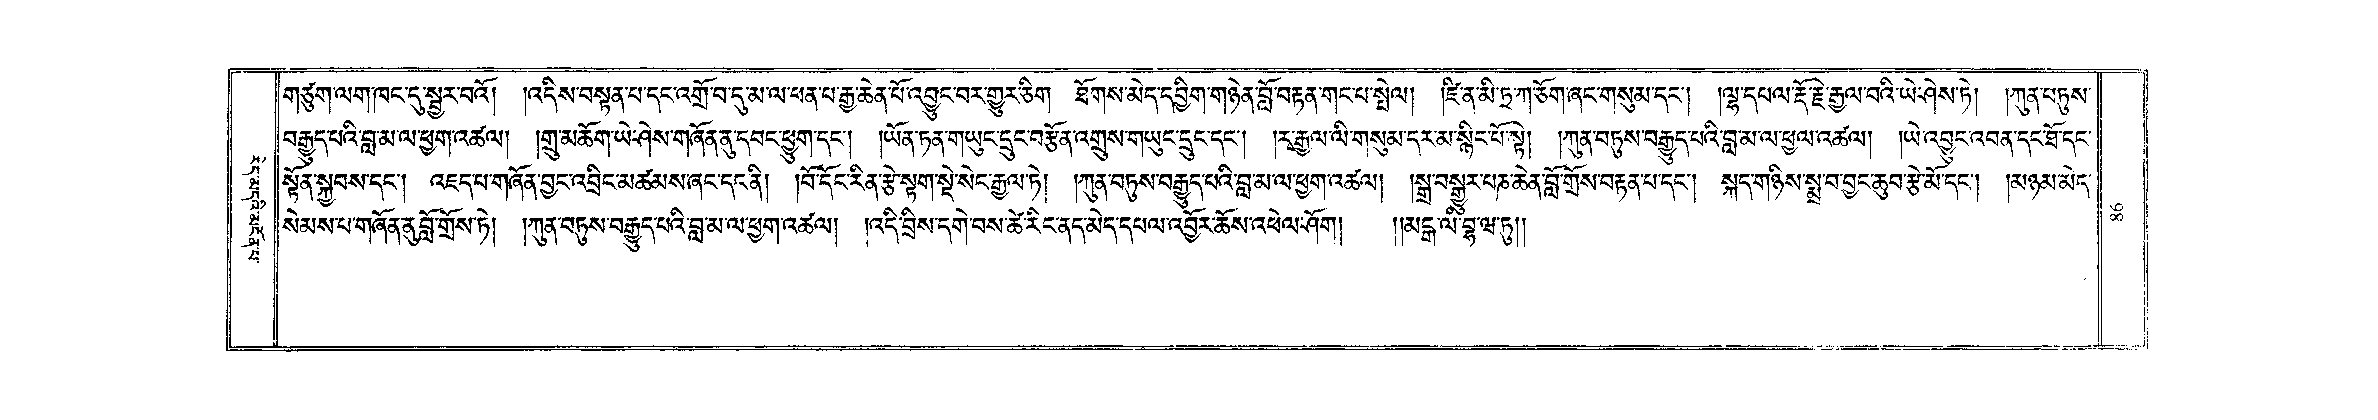གཙུག་ལག་ཁང་དུ་སྦྱར་བའོ། །འདིས་བསྟན་པ་དང་འགྲོ་བ་དུ་མ་ལ་ཕན་པ་རྒྱ་ཆེན་པོ་འབྱུང་བར་གྱུར་ཅིག་ཐོགས་མེད་དབྱིག་གཉེན་བློ་བརྟན་གང་པ་སྤེལ། །ཛི་ན་མི་ཏྲ་ཀ་ཅོག་ཞང་གསུམ་དང་། །ལྷ་དཔལ་རྡོ་རྗེ་རྒྱལ་བའི་ཡེ་ཤེས་ཏེ། །ཀུན་བཏུས་
བརྒྱུད་པའི་བླ་མ་ལ་ཕྱག་འཚལ། །གྲུ་མཆོག་ཡེ་ཤེས་གཞོན་ནུ་དབང་ཕྱུག་དང་། །ཡོན་ཏན་གཡུང་དྲུང་བརྩོན་འགྲུས་གཡུང་དྲུང་དང་། །རྭ་རྒྱལ་ལི་གསུམ་དར་མ་སྙིང་པོ་སྟེ། །ཀུན་བཏུས་བརྒྱུད་པའི་བླ་མ་ལ་ཕྱག་འཚལ། །ཡེ་འབྱུང་འབན་དང་ཐོ་དང་
སྟོན་སྐྱབས་དང་། འཇད་པ་གཞོན་བྱང་འབྲིང་མཚམས་ཞང་དང་ནི། །བོ་དོང་རིན་རྩེ་སྟག་སྡེ་སེང་རྒྱལ་ཏེ། །ཀུན་བཏུས་བརྒྱུད་པའི་བླ་མ་ལ་ཕྱག་འཚལ། །སྒྲ་བསྒྱུར་པཎ་ཆེན་བློ་གྲོས་བརྟན་པ་དང་། སྐད་གཉིས་སྨྲ་བ་བྱང་ཆུབ་རྩེ་མོ་དང་། །མཉམ་མེད་
སེམས་པ་གཞོན་ནུ་བློ་གྲོས་ཏེ། །ཀུན་བཏུས་བརྒྱུད་པའི་བླ་མ་ལ་ཕྱག་འཚལ། །འདི་བྲིས་དགེ་བས་ཚེ་རིང་ནད་མེད་དཔལ་འབྱོར་ཆོས་འཕེལ་ཤོག། །།མངྒ་ལཾ་བྷ་ཝ་ཏུ།།